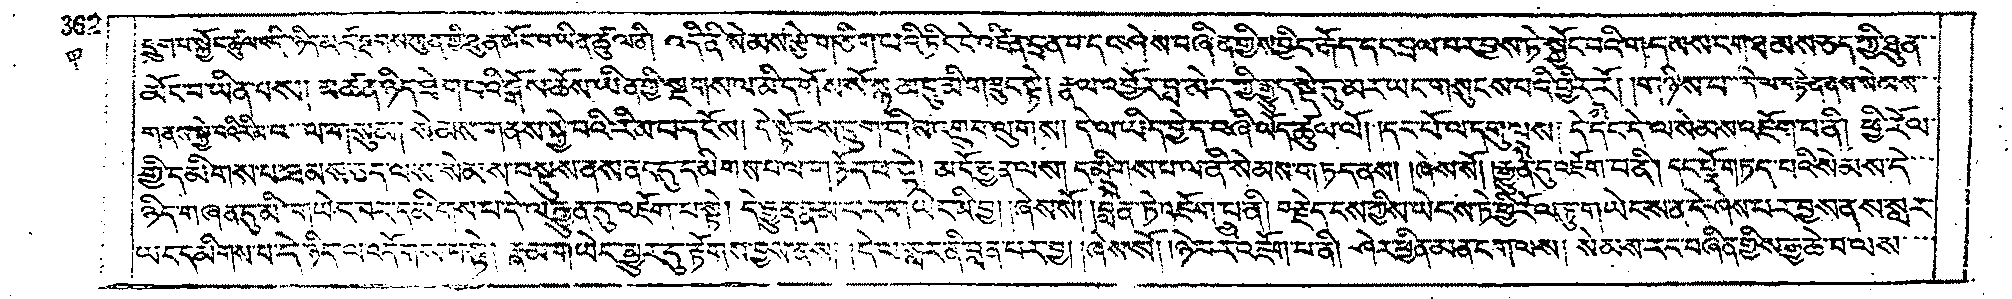དྲུག་པ་སྐྱོང་ཚུལ་འདི་ཉིད་མདོ་སྔགས་ཀུངྱི་ཐུན་མོང་བ་ཡིན་ཚུལ་ནི། འདི་ནི་སེམས་རྩེ་གཅིག་པའི་ཏིང་ངེ་འཛིན་དྲན་པ་དང་ཤེས་བཞིན་གྱིས་བྱིང་རྒོད་དང་བྲལ་བར་བྱས་ཏེ་སྐྱོང་བའི་གདམས་ངག་ཐམས་ཅད་ཀྱི་ཐུན་
མོང་བ་ཡིན་པས། མཚན་ཉིད་ཐེག་པའི་སྒོས་ཆོས་ཡིན་གྱི་སྔགས་ལ་མི་དགོས་སོ་སྙམ་དུ་མི་གཟུང་སྟེ། རྣལ་འབྱོར་བླ་མེད་ཀྱི་རྒྱུད་སྡེ་དུ་མར་ཡང་གསུངས་པའི་ཕྱིར་རོ། །གཉིས་པ་དེ་ལ་བརྟེན་ནས་སེམས་
གནས་སྐྱེ་བའི་རིམ་པལ་གསུམ། སེམས་གནས་སྐྱེ་བའི་རིམ་པ་དངོས། དེ་སྟོབས་དྲུག་གིས་འགྲུབ་ལུགས། དེ་ལ་ཡིད་བྱེད་བཞི་ཡོད་ཚུལ་ལོ། །དང་པོ་ལ་དགུ་ལས། དེ་དང་དེ་ལ་སེམས་འཇོག་པ་ནི། ཕྱི་རོལ་
གྱི་དམིགས་པ་ཐམས་ཅད་ལས་སེམས་བསྡུས་ནས་ནང་དུ་དམིགས་པ་ལ་གཏོད་པ་སྟེ། མདོ་རྒྱན་ལས། དམིགས་པ་ལ་ནི་སེམས་གཏད་ནས། །ཞེས་སོ། །རྒྱུན་དུ་འཇོག་པ་ནི། དང་པོར་གཏད་པའི་སེམས་དེ་
ཉིད་གཞན་དུ་མི་གཡེང་བར་དམིགས་པ་དེ་ལ་རྒྱུན་དུ་འཇོག་པ་སྟེ། དེ་རྒྱུན་རྣམ་པར་གཡེང་མི་བྱ། །ཞེས་སོ། །བླན་ཏེ་འཇོག་པ་ནི། བརྗེད་ངས་ཀྱིས་ཡེངས་ཏེ་ཕྱི་རོལ་ཏུ་གཡེངས་ན་དེ་ཤེས་པར་བྱས་ནས་སླར་
ཡང་དམིགས་པ་དེ་ཉིད་ལ་འདོགས་པ་སྟེ། རྣམ་གཡེང་མྱུར་དུ་རྟོགས་བྱས་ནས། །དེ་ལ་སླར་ནི་བླན་པར་བྱ། །ཞེས་སོ། །ཉེ་བར་འཇོག་པ་ནི། ཤེར་ཕྱིན་མན་ངག་ལས། སེམས་རང་བཞིན་གྱིས་རྒྱ་ཆེ་བ་ལས་